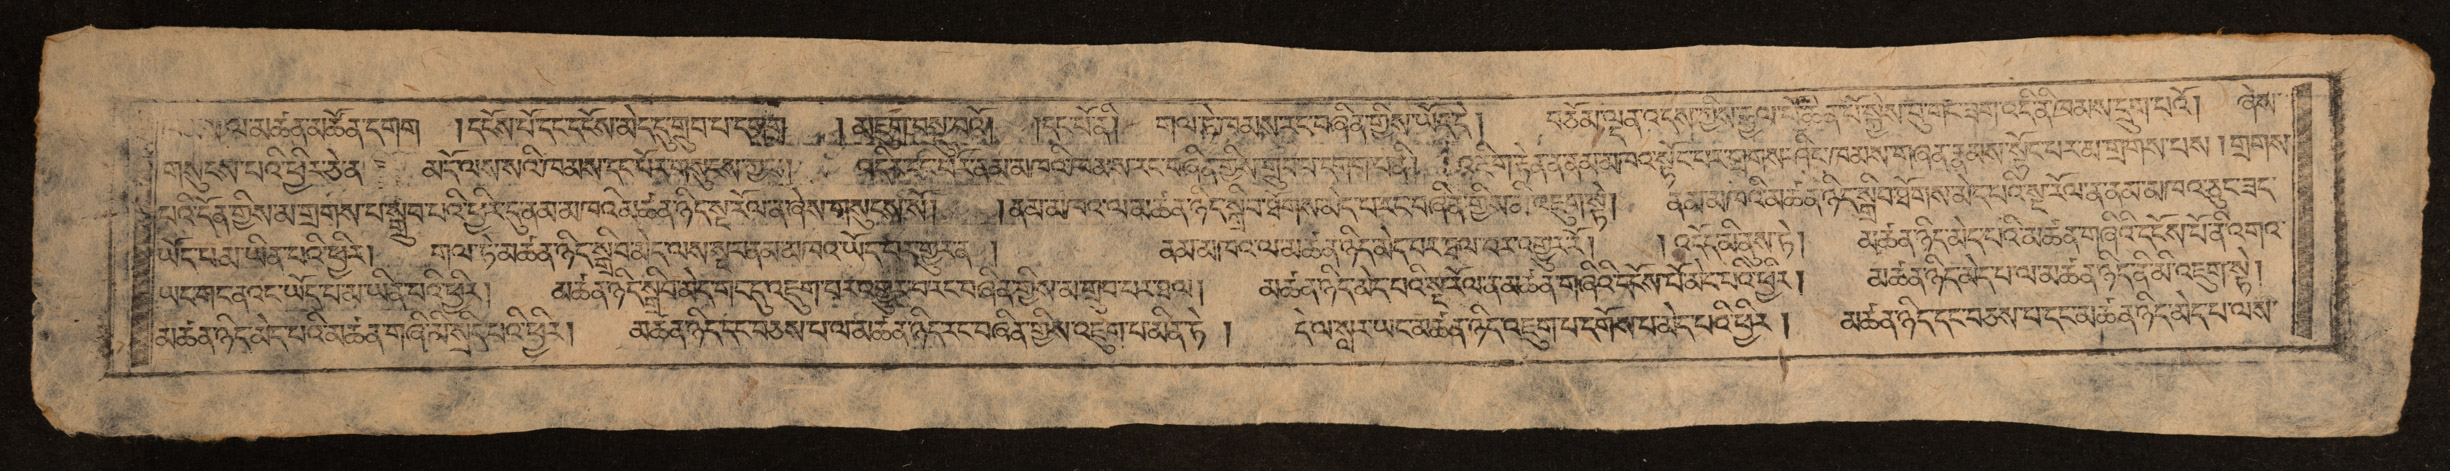ཁམས་ལ་མཚན་མཚོན་དགག །དངོས་པོ་དང་དངོས་མེད་དུ་གྲུབ་པ་དགག །མཇུག་བསྡུ་བའོ། །དང་པོ་ནི། གལ་ཏེ་ཁམས་རང་བཞིན་གྱིས་ཡོད་དེ། བཅོམ་ལྡན་འདས་ཀྱིས་རྒྱལ་པོ་ཆེན་པོ་སྐྱེས་བུ་གང་ཟག་འདི་ནི་ཁམས་དྲུག་པའོ། ཞེས་
གསུངས་པའི་ཕྱིར་ཅེ་ན། མདོ་ལས་སའི་ཁམས་དང་པོར་གསུངས་ཀྱང་། འདིར་དང་པོར་ནམ་མཁའི་ཁམས་རང་བཞིན་གྱིས་གྲུབ་པ་དགག་པ་ནི། འཇིག་རྟེན་ན་ནམ་མཁའ་སྟོང་པར་གྲགས་ཤིང་ཁམས་གཞན་རྣམས་སྟོང་པར་མ་གྲགས་པས། གྲགས་
པའི་དོན་གྱིས་མ་གྲགས་པ་སྒྲུབ་པའི་ཕྱིར་དུ་ནམ་མཁའི་མཚན་ཉིད་སྔ་རོལ་ན་ཞེས་གསུངས་སོ། །ནམ་མཁའ་ལ་མཚན་ཉིད་སྒྲིབ་ཐོགས་མེད་པ་རང་བཞིན་གྱིས་མི་འཇུག་སྟེ། ནམ་མཁའི་མཚན་ཉིད་སྒྲིབ་ཐོགས་མེད་པའི་སྔ་རོལ་ན་ནམ་མཁའ་ཅུང་ཟད་
ཡོད་པ་མ་ཡིན་པའི་ཕྱིར། གལ་ཏེ་མཚན་ཉིད་སྒྲིབ་མེད་ལས་སྔར་ནམ་མཁའ་ཡོད་པར་གྱུར་ན། ནམ་མཁའ་ལ་མཚན་ཉིད་མེད་པར་ཐལ་བར་འགྱུར་རོ། །འདོད་མི་ནུས་ཏེ། མཚན་ཉིད་མེད་པའི་མཚན་གཞིའི་དངོས་པོ་ནི་འགའ་
ཡང་གང་ནའང་ཡོད་པ་མ་ཡིན་པའི་ཕྱིར། མཚན་ཉིད་སྒྲིབ་མེད་གང་དུ་འཇུག་པར་འགྱུར་བ་རང་བཞིན་གྱིས་མ་གྲུབ་པར་ཐལ། མཚན་ཉིད་མེད་པའི་སྔ་རོལ་ན་མཚན་གཞིའི་དངོས་པོ་མེད་པའི་ཕྱིར། མཚན་ཉིད་མེད་པ་ལ་མཚན་ཉིད་ནི་མི་འཇུག་སྟེ།
མཚན་ཉིད་མེད་པའི་མཚན་གཞི་མི་སྲིད་པའི་ཕྱིར། མཚན་ཉིད་དང་བཅས་པ་ལ་མཚན་ཉིད་རང་བཞིན་གྱིས་འཇུག་པ་མིན་ཏེ། དེ་ལ་སླར་ཡང་མཚན་ཉིད་འཇུག་པ་དགོས་པ་མེད་པའི་ཕྱིར། མཚན་ཉིད་དང་བཅས་པ་དང་མཚན་ཉིད་མེད་པ་ལས་